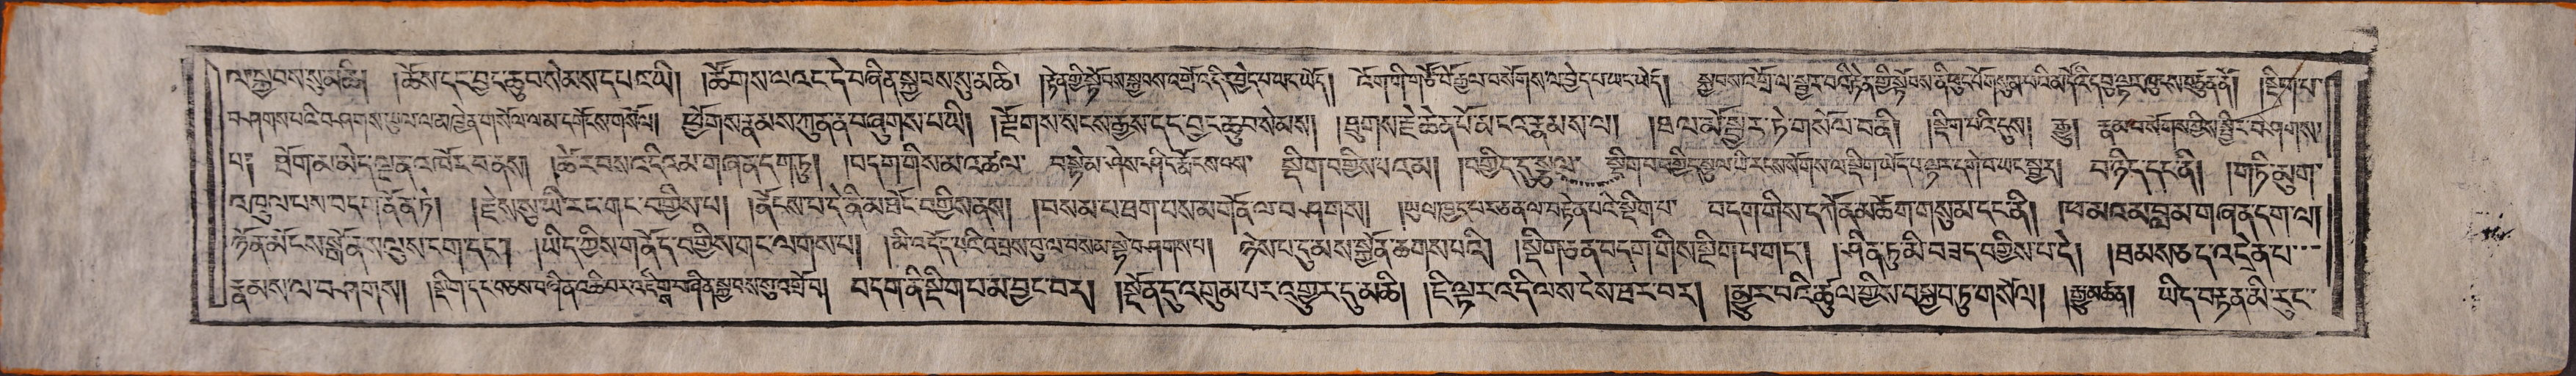ལ་སྐྱབས་སུ་མཆིན། །ཆོས་དང་བྱང་ཆུབ་སེམས་དཔའ་ཡི། །ཚོགས་ལའང་དེ་བཞིན་སྐྱབས་སུ་མཆི། །རྟེན་གྱི་སྟོབས་སྐྱབས་འགྲོ་འདིར་བྱེད་པ་ཡང་ཡོད། འོག་གི་གཙོ་བོ་རྒྱལ་བ་སོགས་ལ་བྱེད་པ་ཡང་ཡོད། སྐྱབས་འགྲོ་ལ་སྦྱར་བའི་རྟེན་གྱི་སྟོབས་ནི་ཕུང་པོ་གསུམ་པའི་མདོའི་དབུ་ལྟར་ཁུངས་བཙུན་ནོ། །སྡིག་པ་
བཤགས་པའི་བཤགས་ཡུལ་ལ་མཁྱེན་གསོལ་ལམ་དགོངས་གསོལ། ཕྱོགས་རྣམས་ཀུན་ན་བཞུགས་པ་ཡི། །རྫོགས་སངས་རྒྱས་དང་བྱང་ཆུབ་སེམས། །ཐུགས་རྗེ་ཆེན་པོ་མངའ་རྣམས་ལ། །ཐལ་མོ་སྦྱར་ཏེ་གསལ་བ་ནི། །སྡིག་པའི་དུས། རྒྱུ། རྣམ་པ་སོགས་ཀྱིས་སྤྱིར་བཤགས་
པ༑ ཐོག་མ་མེད་ལྡན་འཁོར་བ་ནས། །ཚེ་རབས་འདི་འམ་གཞག་དག་ཏུ། །བདག་གིས་མ་འཚལ། བསྟེམ་ཤེས་ཤིང་རྨོངས་པས་སྡིག་བགྱིས་པའམ། །བགྱིད་དུ་སྩལ་སྡིག་པ་བགྱིད་སྩལ་ཡི་རངས་སོགས་ལ་སྡིག་ཡོད་པ་ལྟར་དགེ་བ་ཡང་སྦྱར།  བ་ཉིད་དང་ནི། །གཏི་མུག་
འཁྲུལ་པས་བདག་ནོན་ཏེ། །རྗེས་སུ་ཡི་རང་གང་བགྱིས་པ། །ནོངས་པ་དེ་ནི་མཐོང་བགྱིས་ནས། །བསམ་པ་ཐག་པས་མགོན་ལ་བཤགས། །ཡུལ་ཁྱད་པར་ཅན་ལ་བརྟེན་པའི་སྡིག་པ་བདག་གིས་དཀོན་མཆོག་གསུམ་དང་ནི། །ཕ་མའམ་བླ་མ་གཞན་དག་ལ།།
ཉོན་མོངས་སྒོ་ནས་ལུས་ངག་དང་། །ཡིད་ཀྱིས་གནོད་བགྱིས་གང་ལགས་པ། །མི་འདོད་པའི་འབྲས་བུ་ལ་བསམ་སྟེ་བཤགས་པ།  ཉེས་པ་དུ་མས་སྐྱོན་ཆགས་པའི། །སྡིག་ཅན་བདག་གིས་སྡིག་པ་གང་། །ཤིན་ཏུ་མི་བཟད་བགྱིས་པ་དེ། །ཐམས་ཅད་འདྲེན་པ་
རྣམས་ལ་བཤགས། །སྡིག་དང་བཅས་བཞིན་འཆི་བར་འཇིགས་བཞིན་སྐྱབས་སུ་འགྲོ་བ།  བདག་ནི་སྡིག་པ་མ་བྱང་བར། །སྔོན་དུ་འགུམ་པར་འགྱུར་དུ་མཆི། །ཇི་ལྟར་འདི་ལས་ངེས་ཐར་བར། །མྱུར་བའི་ཚུལ་གྱིས་བསྐྱབས་ཏུ་གསོལ། །རྒྱུ་མཚན།  ཡིད་བརྟན་མི་རུང་